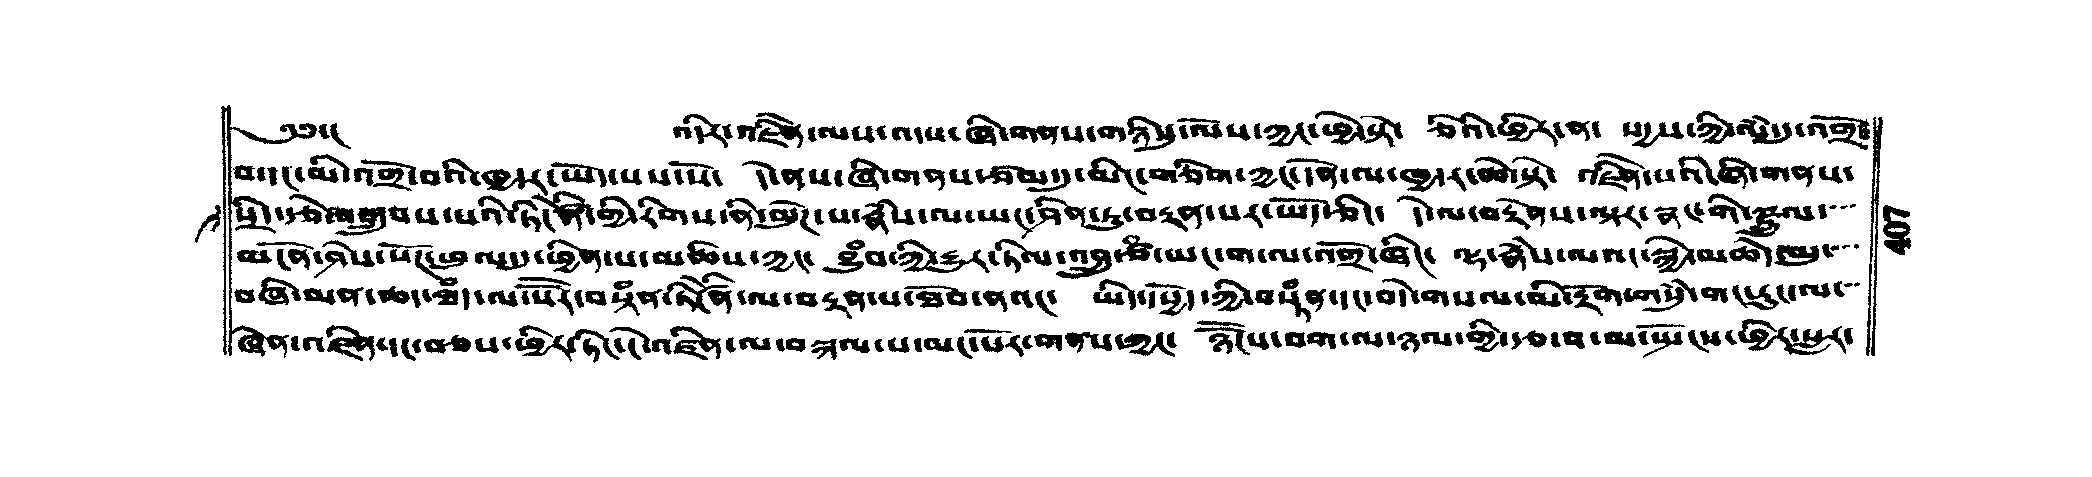འདིར་འཇིག་རྟེན་ལས་འདས་ཞི་གནས་གཉིས་སུ་ལོས་ཀྱང་ཕྱེ་སྟེ། ཅིའི་ཕྱིར་ན། སངས་རྒྱས་ཀྱི་ལམ་དུ་འགྲོ་
བ་དང་མི་འགྲོ་བའི་ཁྱད་པར་ཡོད་པས་སོ། དེ་ནས་ཞི་གནས་ཙམ་དུ་མིང་གཅིག་ཀྱང་དོན་ལ་ཁྱད་པར་ཆེ་སྟེ། འཇིག་རྟེན་པའི་ཞི་གནས་
སྲིད་རྩེ་བསྒྲུབས་པའི་ཏིང་ངེ་འཛིན་གྱི་རིགས་ནི་མུ་སྟེགས་པ་རྣམས་ལ་ཡང་ཤིན་ཏུ་བརྟན་པར་ཡོད་ཅིང་། དེ་ལ་བརྟེན་ནས་ལྟར་སྣང་གི་རྫུ་འཕྲུལ་
མངོན་ཤེས་སོགས་ཕུལ་དུ་ཕྱིན་པ་མཆིས་ཀྱང་། བྱང་ཆུབ་ཀྱི་རྒྱུར་ཏིལ་འབྲུ་ཙམ་ཡང་ག་ལ་འགྲོ་ཞིང་། ལྷ་རྣམས་ལའང་སྐྱེ་མཆེད་མུ་
བཞི་མན་ཆད་ཐམས་ཅད་ལ་སོ་སོར་བསམ་གཏན་ལ་བརྟན་པ་ཐོབ་ནའང་། ཡིད་དཔྱོད་ཀྱི་བསམ་གཏན་དང་བདེ་གསལ་མི་རྟོག་གསུམ་གང་རུང་ལ་
ཞེན་འཛིན་དང་བཅས་ཕྱིར་ཏིང་ངེ་འཛིན་ལ་བསྐལ་པ་མང་པོར་གནས་ཀྱང་། ཉོན་མོངས་བག་ལ་ཉལ་གྱི་རྩ་བ་མ་སྤོངས་ཕྱིར་སླར་